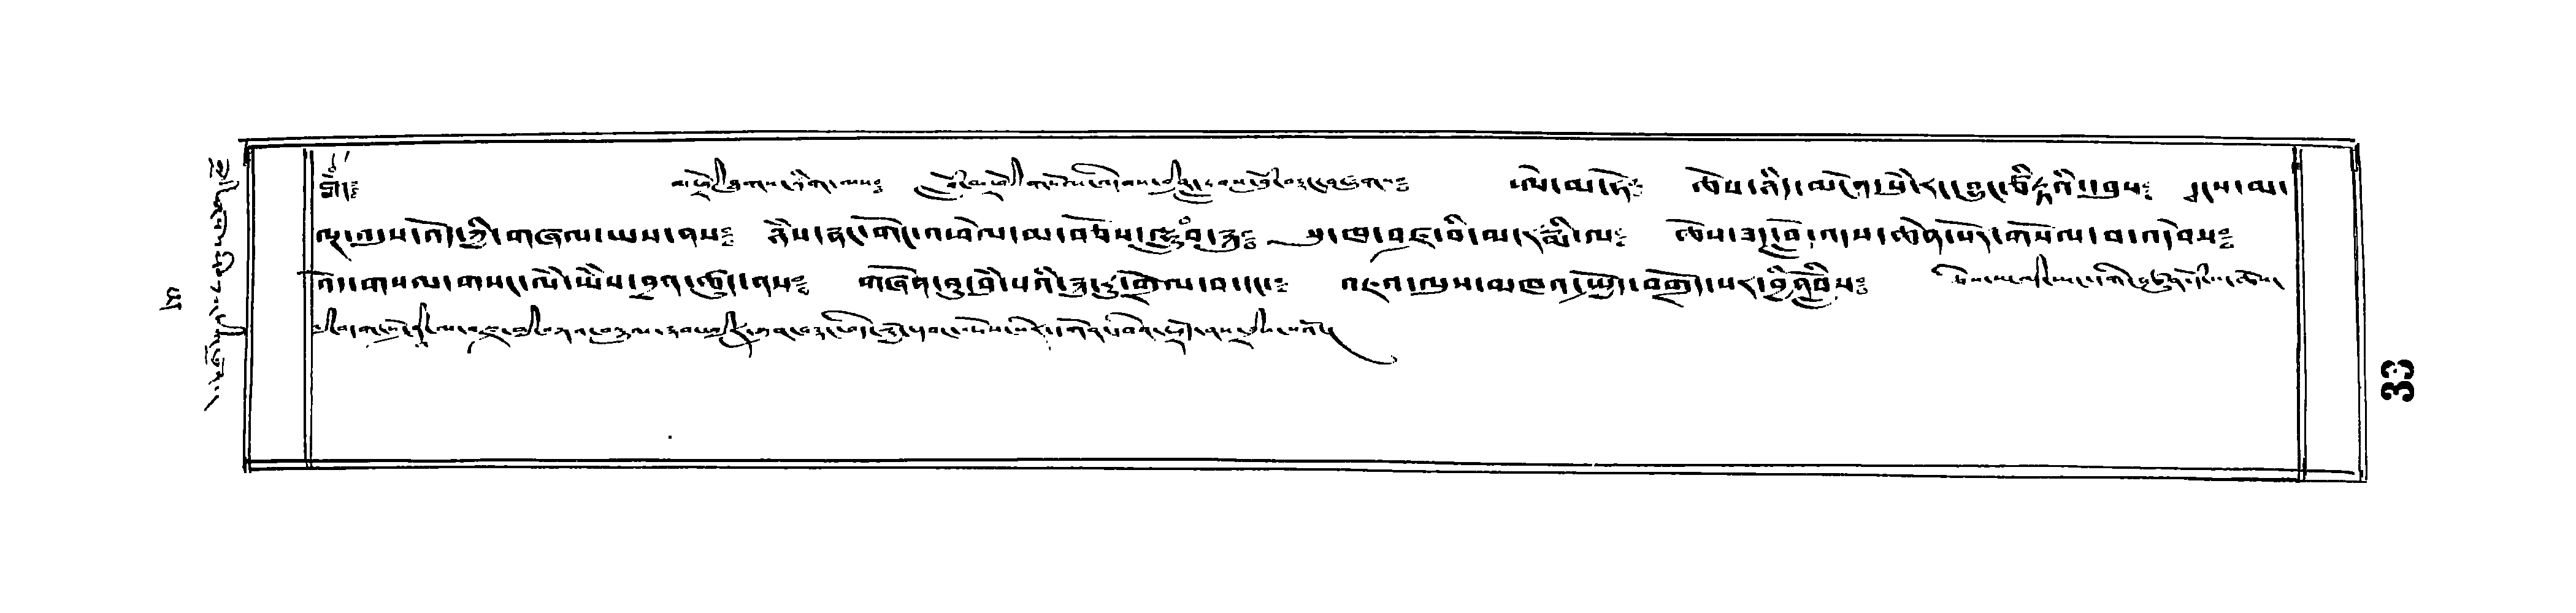མཁའ་འགྲོའི་ཐུགས་ཏིག་ལས༔ བླ་མ་མཁའ་འགྲོའི་གསོལ་འདེབས་བྱིན་རླབས་བུམ་བཟང་བཞུགས༔ ཨེ་མ་ཧོཿ ཆོས་ཉིད་མངོན་སུམ་རང་བྱུང་ཙིཏྟའི་དབུས༔ དྭངས་མ་
ལྔ་འདུས་འོད་ཀྱི་གཞལ་ཡས་ནས༔ ཉམས་སྣང་གོང་འཕེལ་མ་བཅོས་ལྷུན་གྲུབ་སྐུ༔ སུ་ཁ་བཛྲ་བི་མ་རསྨི་ལ༔ ཆོས་ཟད་བློ་འདས་ཆེན་པོར་གསོལ་བ་འདེབས༔ 
འོད་གསལ་གསང་ལམ་ཡེ་ཤེས་བྱན་ཚུད་ནས༔ གཞོན་ནུ་བུམ་པའི་སྐུ་རུ་གྲོལ་བ་དང༔ འཇའ་ལུས་མཁའ་སྤྱོད་བགྲོད་པར་བྱིན་གྱིས་རློབས༔ ཅེས་པ་འདི་ཡང་དགེ་བཙུན་དམ་པ་ཆོས་
ཀྱི་བདག་པོ་ཤཱི་ལ་བཛྲ་གྱི་བཀའ་བསྐུལ་ཟབ་ཕྱིར་ཀུན་བཟང་བདེ་སྐྱོང་དབང་མོས་སེར་དགོན་དབེན་ཁྲོད་ནས་བྲིས་པའོ།།